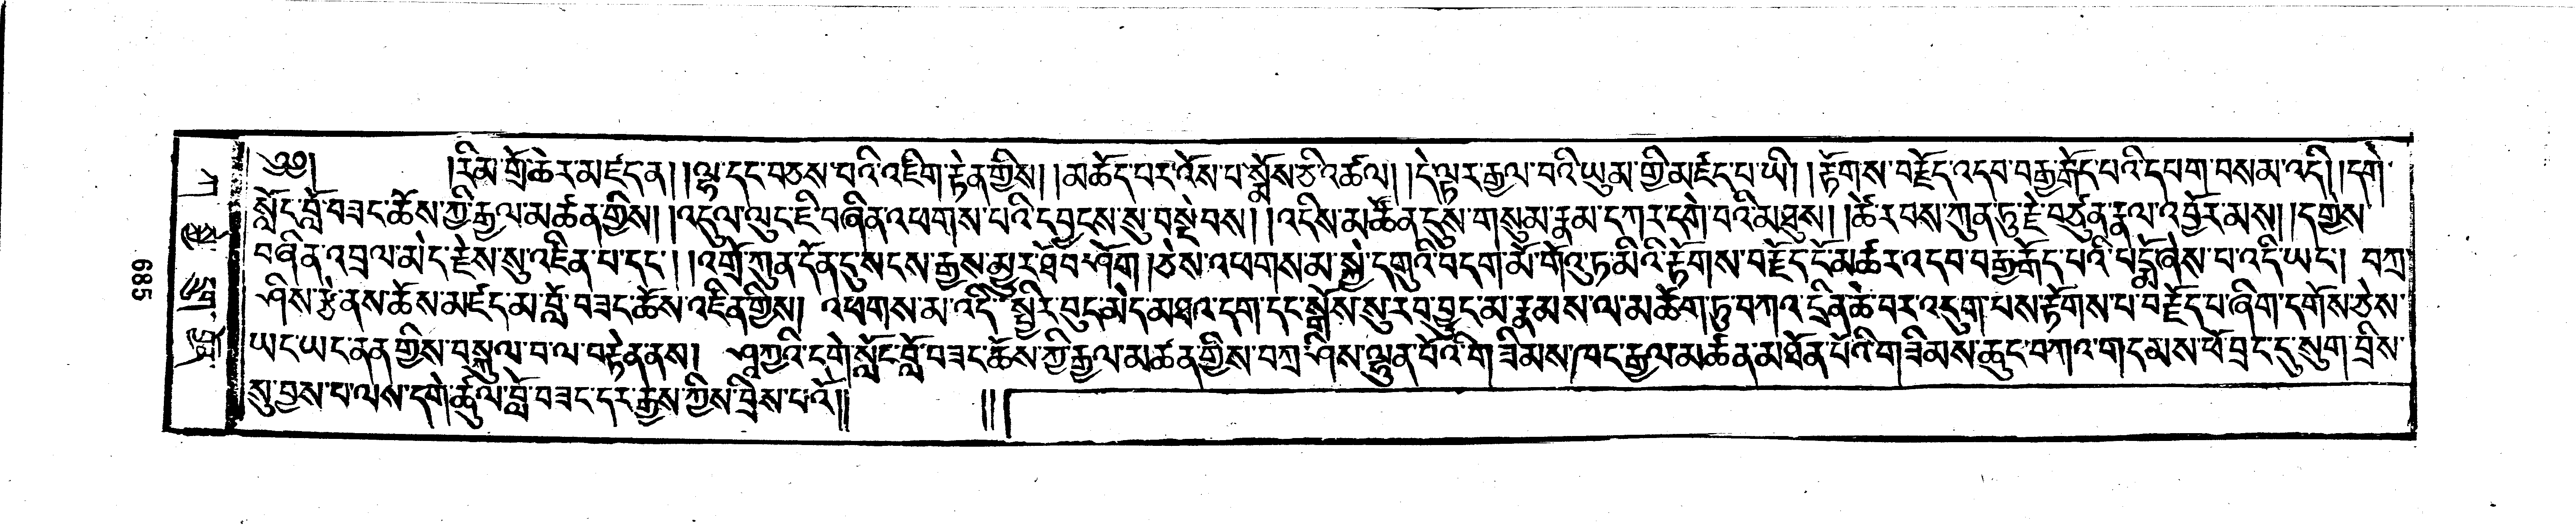༄༅། །རིམ་གྲོ་ཆེར་མཛད་ན། །ལྷ་དང་བཅས་པའི་འཇིག་རྟེན་གྱིས། །མཆོད་པར་འོས་པ་སྨོས་ཅི་འཚལ། །དེ་ལྟར་རྒྱལ་བའི་ཡུམ་གྱི་མཛད་པ་ཡི། །རྟོགས་བརྗོད་འདབ་བརྒྱ་རྒོད་པའི་དཔག་བསམ་འདི། །དགེ་
སློང་བློ་བཟང་ཆོས་ཀྱི་རྒྱལ་མཚན་གྱིས། །འདུལ་ལུང་ཇི་བཞིན་འཕགས་པའི་དབྱངས་སུ་བསྡེབས། །འདིས་མཚོན་དུས་གསུམ་རྣམ་དཀར་དགེ་བའི་མཐུས། །ཚེ་རབས་ཀུན་ཏུ་རྗེ་བཙུན་རྣལ་འབྱོར་མས། །དགྱེས་
བཞིན་འབྲལ་མེད་རྗེས་སུ་འཛིན་པ་དང་། །འགྲོ་ཀུན་དོན་དུ་སངས་རྒྱས་མྱུར་ཐོབ་ཤོག །ཅེས་འཕགས་མ་སྐྱེ་དགུའི་བདག་མོ་གོའུ་ཏ་མིའི་རྟོགས་བརྗོད་ངོ་མཚར་འདབ་བརྒྱ་རྒོད་པའི་པདམོ་ཞེས་པ་འདི་ཡང་། བཀྲ་
ཤིས་རྩེ་ནས་ཆོས་མཛད་མ་བློ་བཟང་ཆོས་འཛིན་གྱིས། འཕགས་མ་འདི་སྤྱིར་བུད་མེད་མཐའ་དག་དང་སྒོས་སུ་རབ་བྱུང་མ་རྣམས་ལ་མཆོག་ཏུ་བཀའ་དྲིན་ཆེ་བར་འདུག་པས་རྟོགས་པ་བརྗོད་པ་ཞིག་དགོས་ཅེས་
ཡང་ཡང་ནན་གྱིས་བསྐུལ་བ་ལ་བརྟེན་ནས། ཤཱཀྱའི་དགེ་སློང་བློ་བཟང་ཆོས་ཀྱི་རྒྱལ་མཚན་གྱིས་བཀྲ་ཤིས་ལྷུན་པོའི་གཟིམས་ཁང་རྒྱལ་མཚན་མཐོན་པོའི་གཟིམས་ཆུང་བཀའ་གདམས་ཕོ་བྲང་དུ་སུག་བྲིས་
སུ་བྱས་པ་ལས་དགེ་ཚུལ་བློ་བཟང་དར་རྒྱས་ཀྱིས་བྲིས་པའོ།། །།